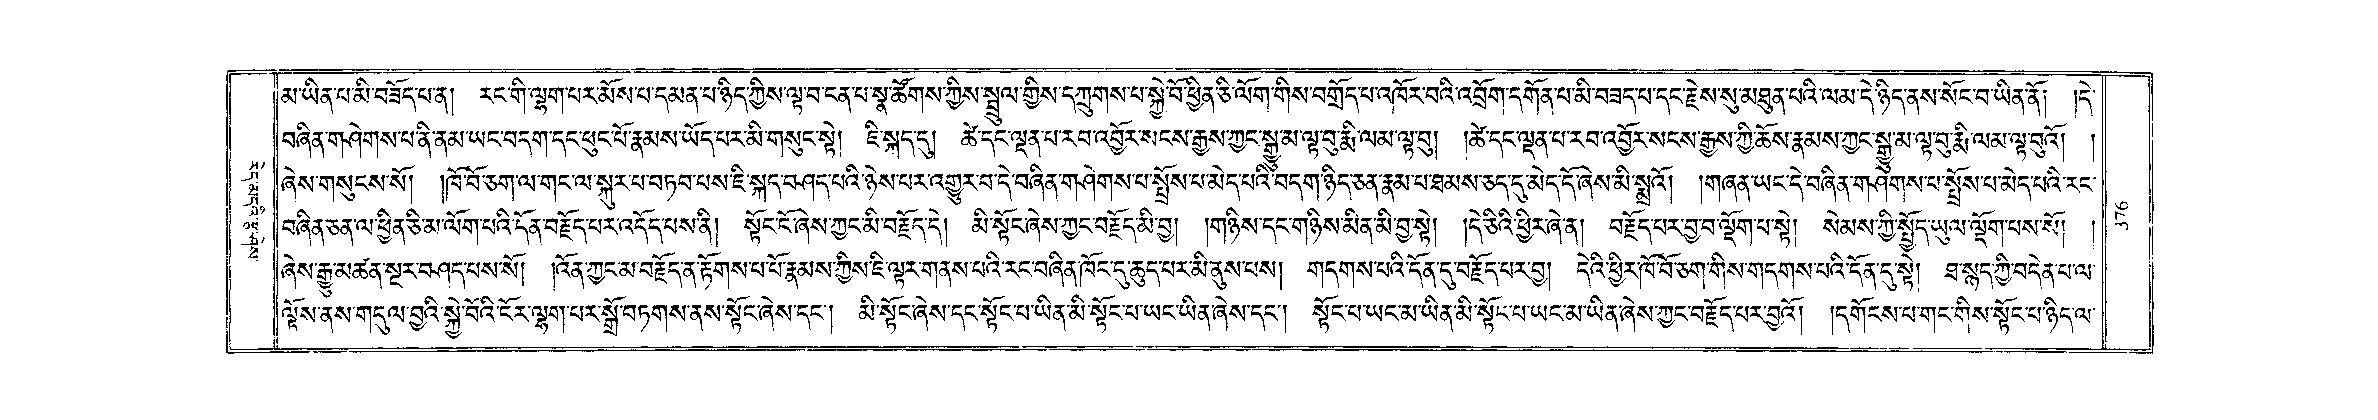མ་ཡིན་པ་མི་བཟོད་པ་ན། རང་གི་ལྷག་པར་མོས་པ་དམན་པ་ཉིད་ཀྱིས་ལྟ་བ་ངན་པ་སྣ་ཚོགས་ཀྱིས་སྤྲུལ་གྱིས་དཀྲུགས་པ་སྐྱེ་བོ་ཕྱིན་ཅི་ལོག་གིས་བགྲོད་པ་འཁོར་བའི་འབྲོག་དགོན་པ་མི་བཟད་པ་དང་རྗེས་སུ་མཐུན་པའི་ལམ་དེ་ཉིད་ནས་སོང་བ་ཡིན་ནོ། །དེ་
བཞིན་གཤེགས་པ་ནི་ནམ་ཡང་བདག་དང་ཕུང་པོ་རྣམས་ཡོད་པར་མི་གསུང་སྟེ། ཇི་སྐད་དུ། ཚེ་དང་ལྡན་པ་རབ་འབྱོར་སངས་རྒྱས་ཀྱང་སྒྱུ་མ་ལྟ་བུ་རྨི་ལམ་ལྟ་བུ། །ཚེ་དང་ལྡན་པ་རབ་འབྱོར་སངས་རྒྱས་ཀྱི་ཆོས་རྣམས་ཀྱང་སྒྱུ་མ་ལྟ་བུ་རྨི་ལམ་ལྟ་བུའོ། །
ཞེས་གསུངས་སོ། །ཁོ་བོ་ཅག་ལ་གང་ལ་སྐུར་པ་བཏབ་པས་ཇི་སྐད་བཤད་པའི་ཉེས་པར་འགྱུར་བ་དེ་བཞིན་གཤེགས་པ་སྤྲོས་པ་མེད་པའི་བདག་ཉིད་ཅན་རྣམ་པ་ཐམས་ཅད་དུ་མེད་དོ་ཞེས་མི་སྨྲའོ། །གཞན་ཡང་དེ་བཞིན་གཤེགས་པ་སྤྲོས་པ་མེད་པའི་རང་
བཞིན་ཅན་ལ་ཕྱིན་ཅི་མ་ལོག་པའི་དོན་བརྗོད་པར་འདོད་པས་ནི། སྟོང་ངོ་ཞེས་ཀྱང་མི་བརྗོད་དེ། མི་སྟོང་ཞེས་ཀྱང་བརྗོད་མི་བྱ། །གཉིས་དང་གཉིས་མིན་མི་བྱ་སྟེ། །དེ་ཅིའི་ཕྱིར་ཞེ་ན། བརྗོད་པར་བྱ་བ་ལྡོག་པ་སྟེ། སེམས་ཀྱི་སྤྱོད་ཡུལ་ལྡོག་པས་སོ། །
ཞེས་རྒྱུ་མཚན་སྔར་བཤད་པས་སོ། །འོན་ཀྱང་མ་བརྗོད་ན་རྟོགས་པ་པོ་རྣམས་ཀྱིས་ཇི་ལྟར་གནས་པའི་རང་བཞིན་ཁོང་དུ་ཆུད་པར་མི་ནུས་པས། གདགས་པའི་དོན་དུ་བརྗོད་པར་བྱ། དེའི་ཕྱིར་ཁོ་བོ་ཅག་གིས་གདགས་པའི་དོན་དུ་སྟེ། ཐ་སྙད་ཀྱི་བདེན་པ་ལ་
ལྟོས་ནས་གདུལ་བྱའི་སྐྱེ་བོའི་ངོར་ལྷག་པར་སྒྲོ་བཏགས་ནས་སྟོང་ཞེས་དང་། མི་སྟོང་ཞེས་དང་སྟོང་པ་ཡིན་མི་སྟོང་པ་ཡང་ཡིན་ཞེས་དང་། སྟོང་པ་ཡང་མ་ཡིན་མི་སྟོང་པ་ཡང་མ་ཡིན་ཞེས་ཀྱང་བརྗོད་པར་བྱའོ། །དགོངས་པ་གང་གིས་སྟོང་པ་ཉིད་ལ་